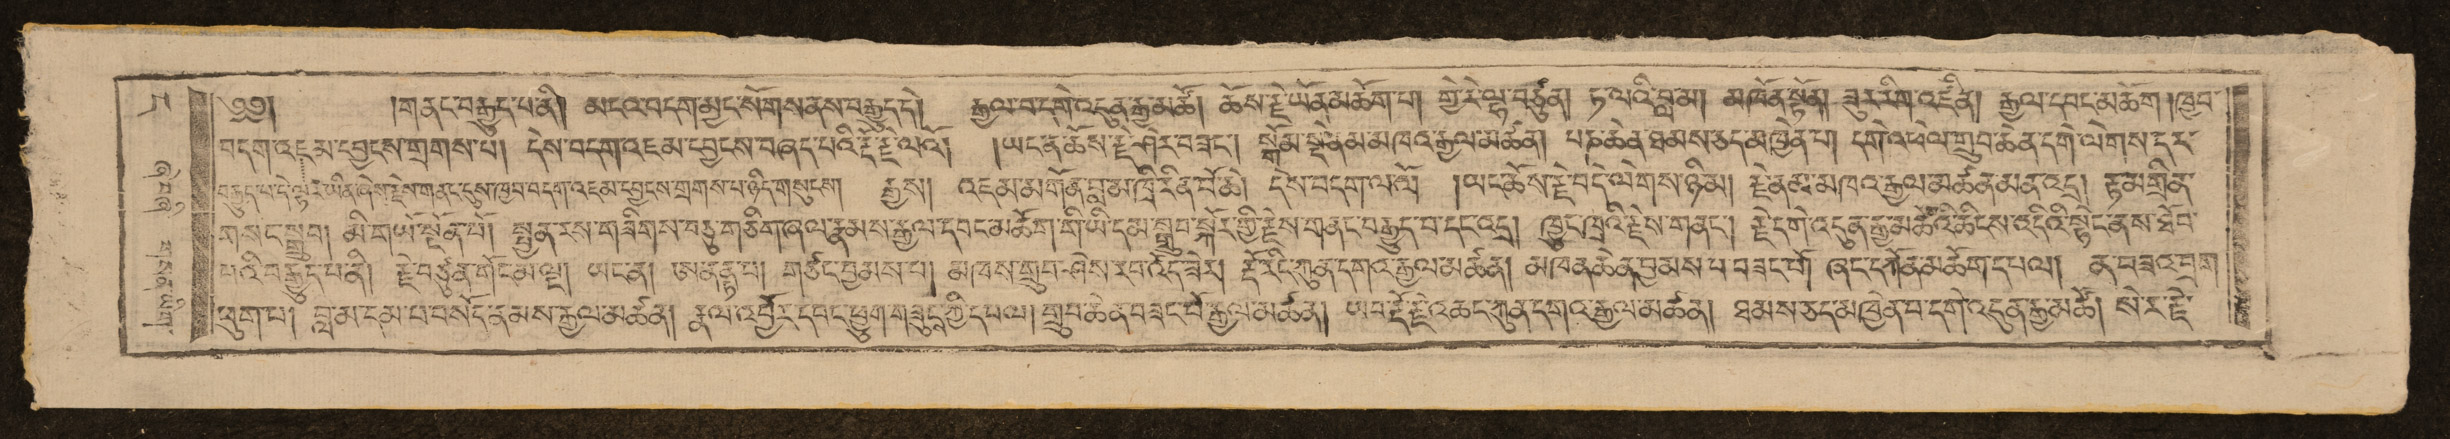༄༅། །གནང་བརྒྱུད་པ་ནི། མངའ་བདག་མྱང་སོགས་ནས་བརྒྱུད་དེ། རྒྱལ་བ་དགེ་འདུན་རྒྱ་མཚོ། ཆོས་རྗེ་ཡོན་མཆོག་པ། གྱེ་རེ་ལྷ་བཙུན། ཏ་ལའི་བླ་མ། མཁོན་སྟོན། ཟུར་རིག་འཛིན། རྒྱལ་དབང་མཆོག །ཁྱབ་
བདག་འཇམ་དབྱངས་གྲགས་པ། དེས་བདག་འཇམ་དབྱངས་བཞད་པའི་རྡོ་རྗེ་ལའོ། །ཡང་ན་ཆོས་རྗེ་ཤེར་བཟང་། སྒོམ་སྡེ་ནམ་མཁའ་རྒྱལ་མཚན། པཎ་ཆེན་ཐམས་ཅད་མཁྱེན་པ། དགེ་འཕེལ་གྲུབ་ཆེན་དགེ་ལེགས་དར་
བརྒྱུད་པ་དེ་ལྟར་ཡིན་ཞེས་རྗེས་གནང་དུས་ཁྱབ་བདག་འཇམ་དབྱངས་གྲགས་པ་ཉིད་གསུངས། རྒྱས། འཇམ་མགོན་བླ་མ་ཁྲི་རིན་པོ་ཆེ། དེས་བདག་ལའོ། །ཡང་ཆོས་རྗེ་བདེ་ལེགས་ཉི་མ། རྗེ་ནམ་མཁའ་རྒྱལ་མཚན་མན་འདྲ། རྟ་མགྲིན་
གསང་སྒྲུབ། མི་གཡོ་སྔོན་པོ། སྤྱན་རས་གཟིགས་བཅུ་གཅིག་ཞལ་རྣམས་རྒྱལ་དབང་མཆོག་གི་ཡི་དམ་སྒྲུབ་སྐོར་གྱི་རྗེས་གནང་བརྒྱུད་པ་དང་འདྲ། ཁྱུད་ཁྲའི་རྗེས་གནང་། རྗེ་དགེ་འདུན་རྒྱ་མཚོ་འཆིངས་འདིའི་སྟེང་ནས་ཐོབ་
པའི་བརྒྱུད་པ་ནི། རྗེ་བཙུན་གོང་མ་ལྔ། ཡང་ན། ཨ་ན་ན་ཏ་པ། གཙང་བྱ་མས་པ། མཁས་གྲུབ་ཤེས་རབ་འོད་ཟེར། རྡོ་རིང་ཀུན་དགའ་རྒྱལ་མཚན། མཁན་ཆེན་བྱམས་པ་བཟང་པོ། ཞད་དཀོན་མཆོག་དཔལ། ན་བཟའ་བྲག་
ཕུག་པ། བླ་མ་དམ་པ་བསོད་ནམས་རྒྱལ་མཚན། རྣལ་འབྱོར་དབང་ཕྱུག་གཟུངས་ཀྱི་དཔལ། གྲུབ་ཆེན་བཟང་པོ་རྒྱལ་མཚན། ཡབ་རྡོ་རྗེ་འཆང་ཀུན་དགའ་རྒྱལ་མཚན། ཐམས་ཅད་མཁྱེན་པ་དགེ་འདུན་རྒྱ་མཚོ། སེར་རྗེ་